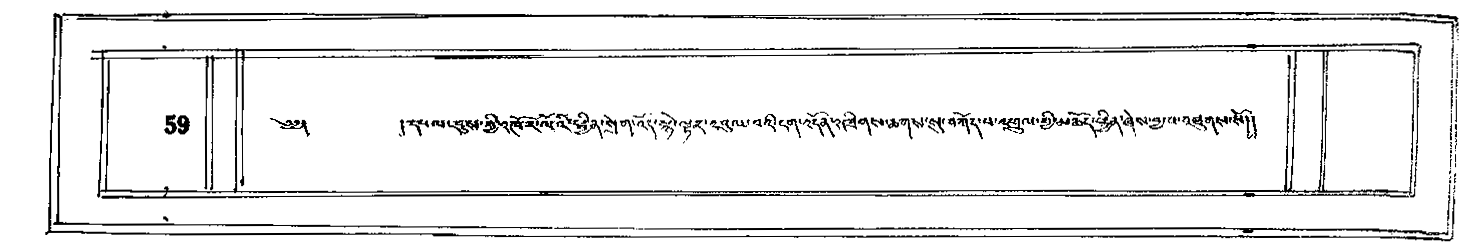༄༅། །དཔལ་དུས་ཀྱི་འཁོར་ལོའི་སྦྱིན་སྲེག་འོད་སྙེ་ལྟར་འབུལ་བའི་ངག་འདོན་འཁྲིགས་ཆགས་སུ་བཀོད་པ་འཕྲུལ་གྱི་མཆོད་སྦྱིན་ཞེས་བྱ་བ་བཞུགས་སོ། །